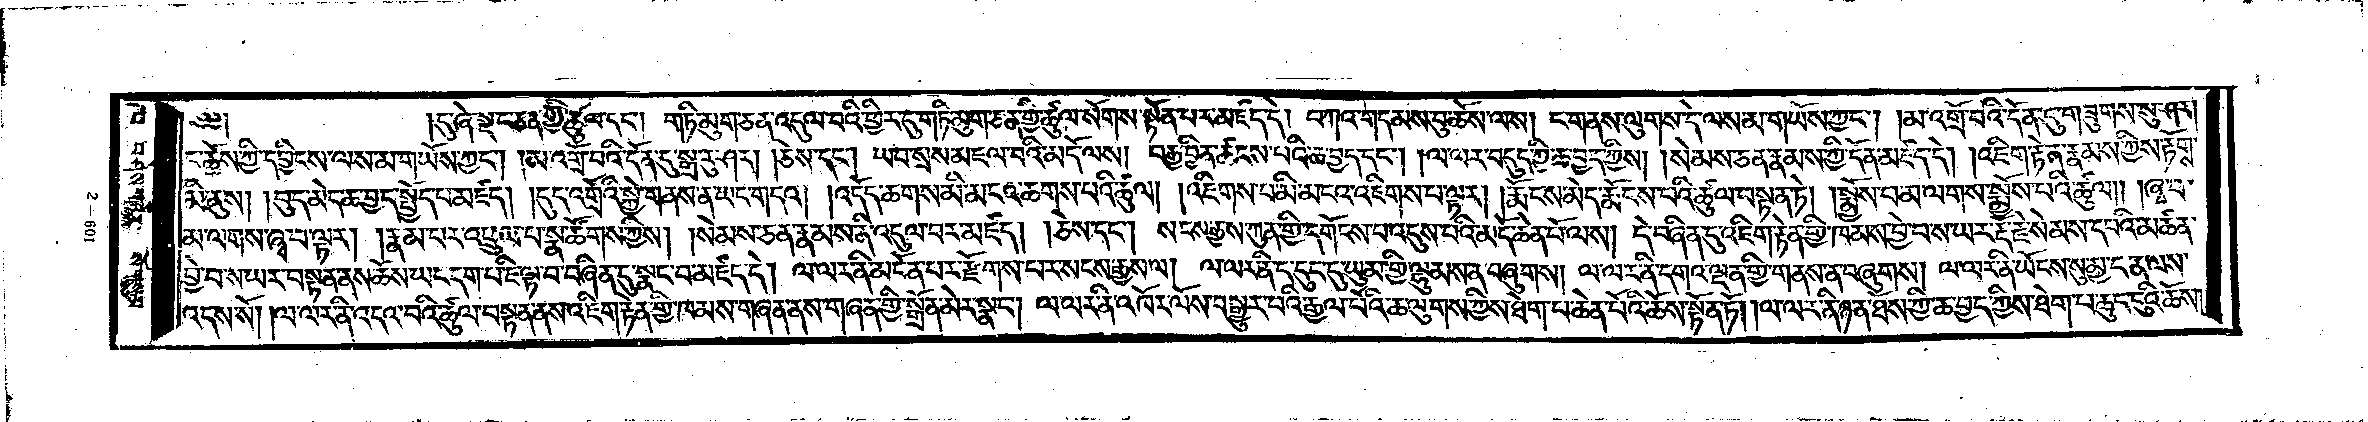༄༅། །དུ་ཞེ་སྡང་ཅན་གྱི་ཚུལ་དང་། གཏི་མུག་ཅན་འདུལ་བའི་ཕྱིར་དུ་གཏི་མུག་ཅན་གྱི་ཚུལ་སོགས་སྟོན་པར་མཛད་དེ། བཀའ་གདམས་བུ་ཆོས་ལས། ང་གནས་ལུགས་དེ་ལས་མ་གཡོས་ཀྱང་། །མ་འགྲོ་བའི་དོན་དུ་གཟུགས་སུ་ཤར།
ང་ཚོས་ཀྱི་དབྱིངས་ལས་མ་གཡོས་ཀྱང་། །མ་འགྲོ་བའི་དོན་དུ་སྒྲ་རུ་ཤར། །ཅེས་དང་། ཡབ་སྲས་མཇལ་བའི་མདོ་ལས། བརྒྱ་བྱིན་ཚངས་པའི་ཆ་བྱད་དང་། ལ་ལར་བདུད་ཀྱི་ཆ་བྱད་ཀྱིས། །སེམས་ཅན་རྣམས་ཀྱི་དོན་མཛད་དེ། །འཇིག་རྟེན་རྣམས་ཀྱིས་རྟོགས་
མི་ནུས། །བུད་མེད་ཆ་བྱད་སྤྱོད་པ་མཛད། །དུད་འགྲོའི་སྐྱེ་གནས་ན་ཡང་གདའ། །འདོད་ཆགས་མི་མངའ་ཆགས་བའི་ཚུལ། །འཇིགས་པ་མི་མངའ་འཇིགས་པ་ལྟར། །རྨོངས་མེད་རྨོངས་པའི་ཚུལ་བསྟན་ཏེ། །སྨྱོས་པ་མ་ལགས་སྨྱོས་པའི་ཚུལ། །ཞྭ་པ་
མ་ལགས་ཞྭ་པ་ལྟར། །རྣམ་པར་འཕྲུལ་པ་སྣ་ཚོགས་ཀྱིས། །སེམས་ཅན་རྣམས་ནི་འདུལ་བར་མཛད། །ཅེས་དང་། སངས་རྒྱས་ཀུན་གྱི་དགོངས་པ་འདུས་པའི་མདོ་ཆེན་པོ་ལས། དེ་བཞིན་དུ་འཇིག་རྟེན་གྱི་ཁམས་བྱེ་བས་ཡར་རྡོ་རྗེས་སེམས་དཔའི་མཚན་
བྱེ་བས་ཡར་བསྟན་ནས་ཆོས་ཡང་དག་པ་ཇི་ལྟ་བ་བཞིན་དུ་སྣང་བ་མཛད་དེ། ལ་ལར་ནི་མངོན་པར་རྫོགས་པར་སངས་རྒྱས་ལ། ལ་ལར་ནི་ད་དུང་དུ་ཡུམ་གྱི་ལྷུམས་ན་བཞུགས། ལ་ལར་ནི་དགའ་ལྡན་གྱི་གནས་ན་བཞུགས། ལ་ལར་ནི་ཡོངས་སུ་མྱ་ངན་ལས་
འདས་སོ། །ལ་ལར་ནི་འདའ་བའི་ཚུལ་བསྟན་ནས་འཇིག་རྟེན་གྱི་ཁམས་གཞན་ནས་གཞན་གྱི་སྒྲོན་མེར་སྣང་། ལ་ལར་ནི་འཁོར་ལོས་བསྒྱུར་བའི་རྒྱལ་པོའི་ཆ་ལུགས་ཀྱིས་ཐེག་པ་ཆེན་པོའི་ཆོས་སྟོན་ཏོ། །ལ་ལར་ནི་ཉན་ཐོས་ཀྱི་ཆ་བྱད་ཀྱིས་ཐེག་པ་ཆུང་ངུའི་ཆོས།